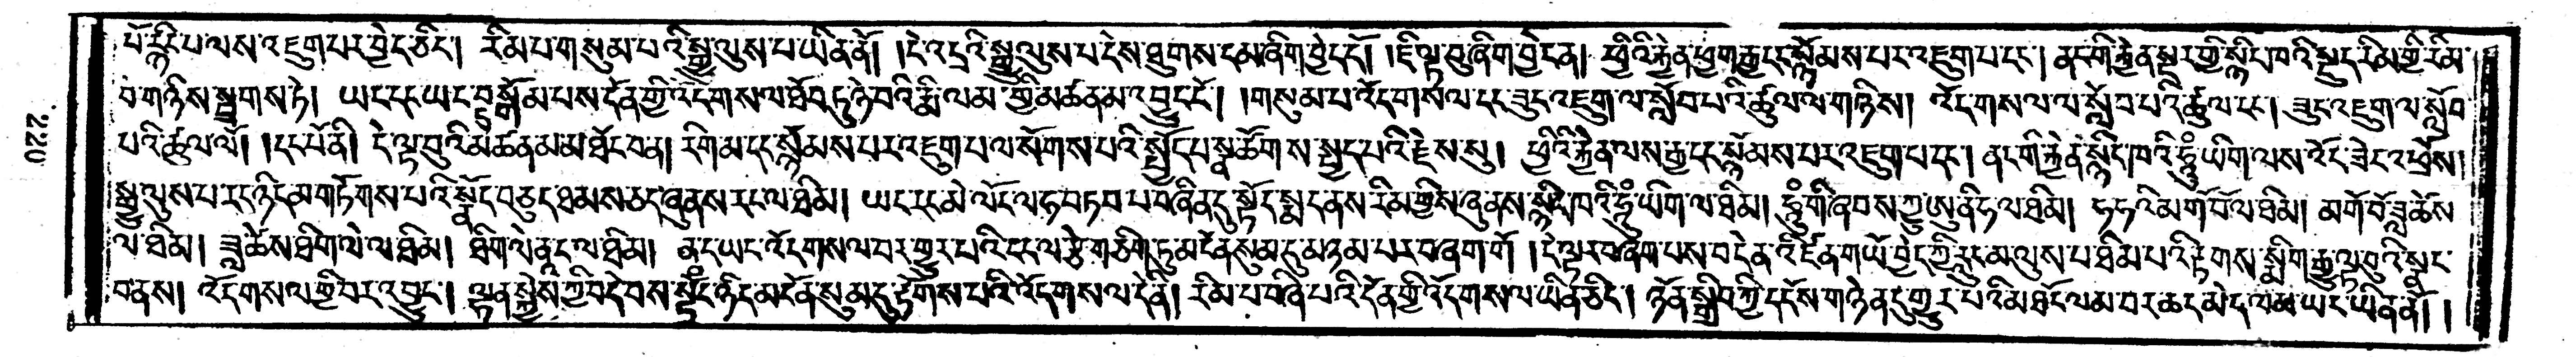པོ་རྙིང་པ་ལས་འཇུག་པར་བྱེད་ཅིང་། རིམ་པ་གསུམ་པའི་སྒྱུ་ལུས་པ་ཡིན་ནོ། །དེ་འདྲའི་སྒྱུ་ལུས་པ་དེས་ཐུགས་དམ་ཞིག་བྱེད་དོ། །ཇི་ལྟ་བུ་ཞིག་བྱེད་ན། ཕྱིའི་རྐྱེན་ཕྱག་རྒྱ་དང་སྙོམས་པར་འཇུག་པ་དང་། ནང་གི་རྐྱེན་སྡར་གྱི་སྙིང་ཁའི་སྡུད་རིམ་གྱི་རིམ་
བ་གཉིས་སྦྲགས་ཏེ། ཡང་དང་ཡང་དུ་བསྒོམ་པས་དོན་གྱི་འོད་གསལ་ཐོབ་ཏུ་ཉེ་བའི་རྨི་ལམ་གྱི་མཚན་མ་འབྱུང་ངོ། །གསུམ་པ་འོད་གསལ་དང་ཟུང་འཇུག་ལ་སློབ་པའི་ཚུལ་ལ་གཉིས། འོད་གསལ་ལ་སློབ་པའི་ཚུལ་དང་། ཟུང་འཇུག་ལ་སློབ་
པའི་ཚུལ་ལོ། །དང་པོ་ནི། དེ་ལྟ་བུའི་མཚན་མ་མཐོང་བ་ན། རིག་མ་དང་སྙོམས་པར་འཇུག་པ་ལ་སོགས་པའི་སྤྱོད་པ་སྣ་ཚོགས་སྤྱད་པའི་རྗེས་སུ། ཕྱིའི་རྐྱེན་ལས་རྒྱ་དང་སྙོམས་པར་འཇུག་པ་དང་། ནང་གི་རྐྱེན་སྙིང་ཁའི་ཧཱུཾ་ཡིག་ལས་འོད་ཟེར་འཕྲོས།
སྒྱུ་ལུས་པ་རང་ཉིད་མ་གཏོགས་པའི་སྣོད་བཅུད་ཐམས་ཅད་ཞུ་ནས་རང་ལ་ཐིམ། ཡང་རང་མེ་ལོང་ལ་ཧ་བཏབ་པ་བཞིན་དུ་སྟོད་སྨད་ནས་རིམ་གྱིས་ཞུ་ནས་སྙིང་ཁའི་ཧཱུཾ་ཡིག་ལ་ཐིམ། ཧཱུཾ་གི་ཞབས་ཀྱུ་ཨུ་ནི་ཧ་ལ་ཐིམ། ཧ་ཧའི་མགོ་བོ་ལ་ཐིམ། མགོ་བོ་ཟླ་ཚེས་
ལ་ཐིམ། ཟླ་ཚེས་ཐིག་ལེ་ལ་ཐིམ། ཐིག་ལེ་ནཱ་ད་ལ་ཐིམ། ནཱ་ད་ཡང་འོད་གསལ་བར་གྱུར་པའི་དང་ལ་རྩེ་གཅིག་ཏུ་མངོན་སུམ་དུ་མཉམ་པར་བཞག་གོ །དེ་ལྟར་བཞག་པས་བདེན་འཛིན་གཡོ་བྱེད་ཀྱི་རླུང་མ་ལུས་པ་ཐིམ་པའི་རྟགས་སྨིག་རྒྱུ་ལྟ་བུའི་སྣང་
བ་ནས། འོད་གསལ་གྱི་བར་འབྱུང་། ལྷན་སྐྱེས་ཀྱི་བདེ་བས་སྟོང་ཉིད་མངོན་སུམ་དུ་རྟོགས་པའི་འོད་གསལ་དེ་ནི། རིམ་པ་བཞི་པའི་དོན་གྱི་འོད་གསལ་ཡིན་ཅིང་། ཉོན་སྒྲིབ་ཀྱི་དངོས་གཉེན་དུ་གྱུར་པའི་མཐོང་ལམ་བར་ཆད་མེད་ལམ་ཡང་ཡིན་ནོ། །